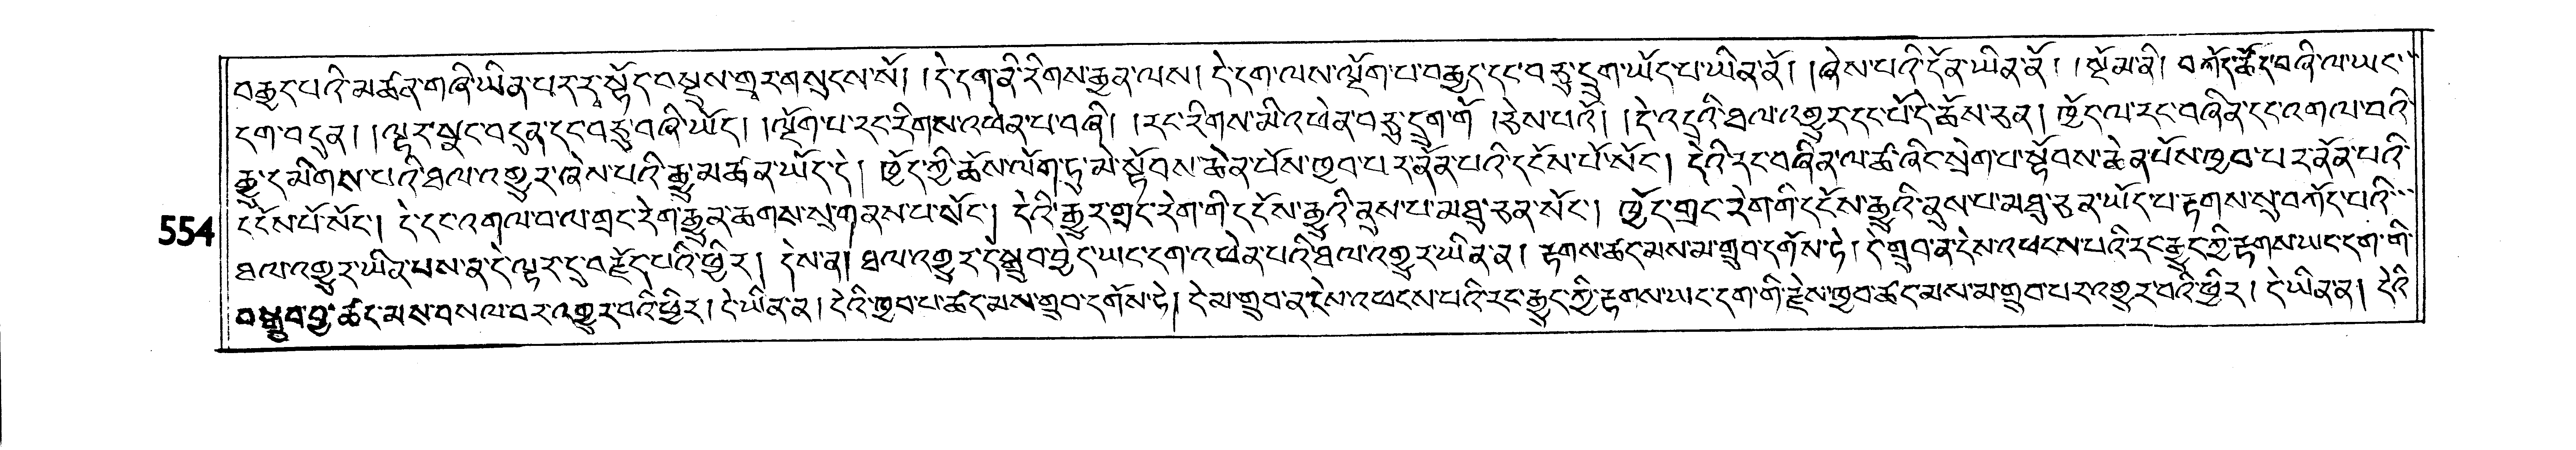བརྒྱད་པའི་མཚན་གཞི་ཡིན་པར་རྭ་སྟོད་བསྡུས་གྲྭར་གསུངས་སོ། །དེ་དག་ནི་རིགས་རྒྱན་ལས། དེ་དག་ལས་ལྡོག་པ་བརྒྱད་དང་བཅུ་དྲུག་ཡོད་པ་ཡིན་ནོ། །ཞེས་པའི་དོན་ཡིན་ནོ། །སྡོམ་ནི། བཀོད་ཚོད་བཞི་ལ་ཡང་
དག་བདུན། །ལྟར་སྣང་བདུན་དང་བཅུ་བཞི་ཡོད། །ལྡོག་པ་རང་རིགས་འཕེན་པ་བཞི། །རང་རིགས་མི་འཕེན་བཅུ་དྲུག་གོ །ཅེས་པའོ། །དེ་འདྲའི་ཐལ་འགྱུར་དང་པོ་དེ་ཆོས་ཅན། ཁྱོད་ལ་རང་བཞིན་དང་འགལ་བའི་
རྒྱུ་དམིགས་པའི་ཐལ་འགྱུར་ཞེས་པའི་རྒྱུ་མཚན་ཡོད་དེ། ཁྱོད་ཀྱི་ཆོས་ལོག་ཏུ་མེ་སྟོབས་ཆེན་པོས་ཁྱབ་པར་ནོན་པའི་དངོས་པོ་སོང་། དེའི་རང་བཞིན་ལ་ཚ་ཞིང་སྲེག་པ་སྟོབས་ཆེན་པོས་ཁྱབ་པར་ནོན་པའི་
དངོས་པོ་སོང་། དེ་དང་འགལ་བ་ལ་གྲང་རེག་རྒྱུན་ཆགས་སུ་གནས་པ་སོང་། དེའི་རྒྱུར་གྲང་རེག་གི་དངོས་རྒྱུའི་ནུས་པ་མཐུ་ཅན་སོང་། ཁྱོད་གྲང་རེག་གི་དངོས་རྒྱུའི་ནུས་པ་མཐུ་ཅན་ཡོད་པ་རྟགས་སུ་བཀོད་པའི་
ཐལ་འགྱུར་ཡིན་པས་ན་དེ་ལྟར་དུ་བརྗོད་པའི་ཕྱིར། དེས་ན། ཐལ་འགྱུར་དེ་སྒྲུབ་བྱེད་ཡང་དག་འཕེན་པའི་ཐལ་འགྱུར་ཡིན་ན། རྟགས་ཚད་མས་མ་གྲུབ་དགོས་ཏེ། དེ་གྲུབ་ན་དེས་འཕངས་པའི་རང་རྒྱུད་ཀྱི་རྟགས་ཡང་དག་གི་
བསྒྲུབ་བྱ་ཚང་མས་བསལ་བར་འགྱུར་བའི་ཕྱིར། དེ་ཡིན་ན། དེའི་ཁྱབ་པ་ཚད་མས་གྲུབ་དགོས་ཏེ། དེ་མ་གྲུབ་ན་ངེས་འཕངས་པའི་རང་རྒྱུད་ཀྱི་རྟགས་ཡང་དག་གི་རྗེས་ཁྱབ་ཚད་མས་མ་གྲུབ་པར་འགྱུར་བའི་ཕྱིར། དེ་ཡིན་ན། དེའི་